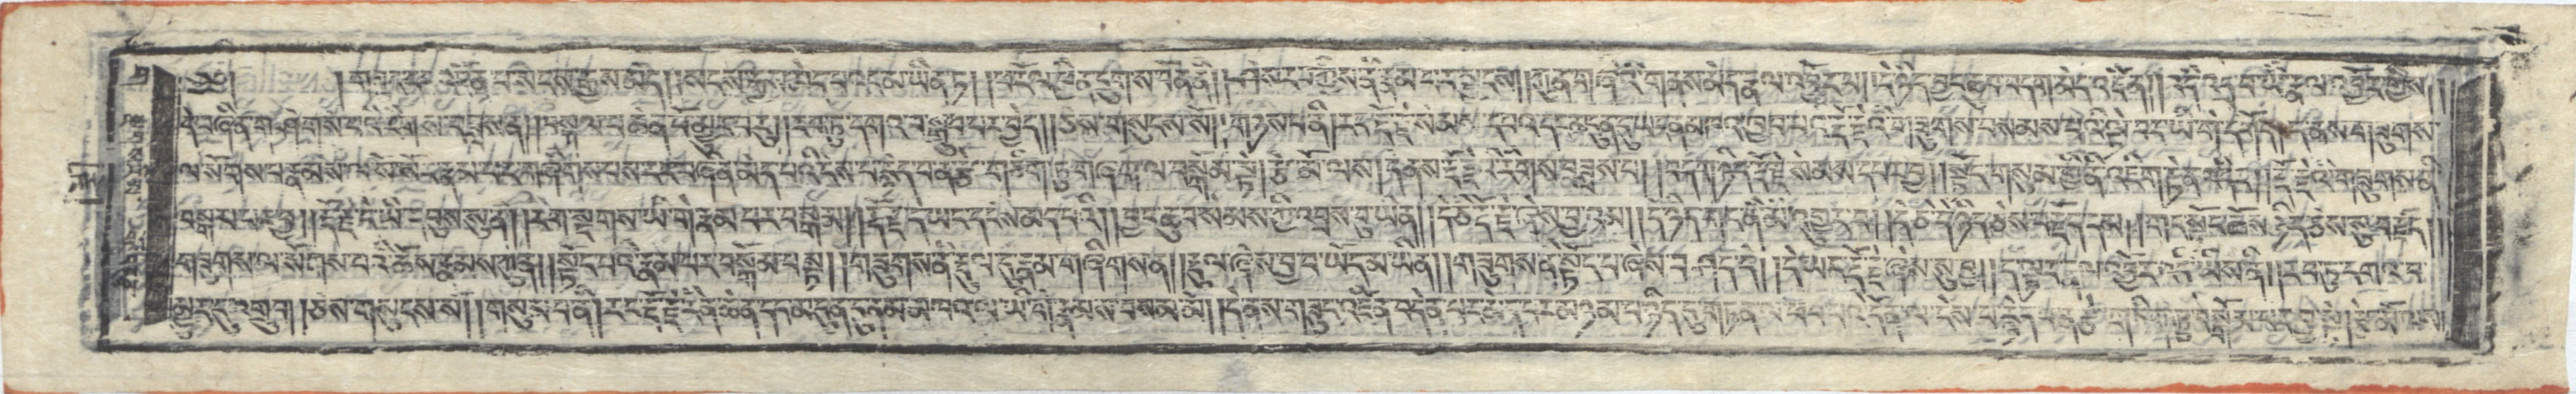༄༅། །གཟུང་དང་འཛིན་པ་སངས་རྒྱས་མེད། །སངས་རྒྱས་མེད་པའང་མ་ཡིན་ཏེ། །ཕ་རོལ་ཕྱིན་དྲུག་ས་བོན་ནི། །ཤེས་རབ་ཀྱིས་ནི་རྣམ་པར་སྦྱངས། །ཀུན་གཞིའི་གནས་མེད་རྣལ་འབྱོར་པ། །དེ་ཉིད་བྱང་ཆུབ་བདག་མེད་འཛིན། །འདི་འདྲ་བ་ཡི་རྣལ་འབྱོར་གྱིས། །
དེ་བཞིན་གཤེགས་པའི་རིགས་བཟླས་ན། །བསྐལ་པ་ཆེན་པོ་མྱུར་བ་རུ། །རབ་ཏུ་དགའ་བ་སྒྲུབ་པར་བྱེད། །ཅེས་གསུངས་སོ། །གཉིས་པ་ནི། རང་རྡོ་རྗེ་སེམས་དཔའ་དང་མདུན་དུ་ཡང་ནམ་མཁའ་ཁྱབ་པའི་རྡོ་རྗེའི་གཟུགས་བསམས་པའི་ལྟེ་བར་ཡི་གེ་དགོད། དེ་ནས་གཟུགས་
ལ་སོགས་པ་རྣམས་ལ་སོ་སོར་རྣམ་པར་གཞིགས་པས་རང་བཞིན་མེད་པའི་ངེས་པ་རྙེད་པ་ན་རྩེ་གཅིག་ཏུ་གཞག་ལ་བསྒོམ་སྟེ། རྩེ་མོ་ལས། དེ་ནས་རྡོ་རྗེའི་རིགས་བཟླས་པ། །བདག་ཉིད་རྡོ་རྗེ་སེམས་དཔར་བྱ། །སྟོང་གསུམ་གྱི་ནི་འཇིག་རྟེན་འདིར། །རྡོ་རྗེའི་གཟུགས་ནི་
བསྒོམ་པར་བྱ། །རྡོ་རྗེ་དེ་ཡི་དབུས་སུ་ནི། །རིག་སྔགས་ཡི་གེ་རྣམ་པར་བསྒོམ། །རྡོ་རྗེ་དེ་ཡང་དངོས་མེད་པའི། །བྱང་ཆུབ་སེམས་ཀྱི་འབྲས་བུ་ཡིན། །དེ་ཅི་རྡོ་རྗེ་ཞེས་བྱ་འམ། །དེ་ཉིད་གང་ནི་མི་འགྱུར་བ། །དེ་ཅི་དེ་ཉིད་ཅེས་བརྗོད་དམ། །གང་སྟོང་ཆོས་ཉིད་ཅེས་སུ་བརྗོད། །
གཟུགས་ལ་སོགས་པའི་ཆོས་རྣམས་ཀུན། །སྟོང་པའི་རྣམ་པར་བསྒོམ་པ་སྟེ། །གཟུགས་ནི་རྡུལ་དུ་རྣམ་གཞིགས་ན། །རྡུལ་ཞེས་བྱ་བ་ཡོད་མ་ཡིན། །གཟུགས་ནི་སྟོང་པ་ཞེས་བཤད་དེ། །དེ་ཡང་རྡོ་རྗེ་ཞེས་སུ་བྱ། །དེ་ལྟར་རྣལ་འབྱོར་འདི་ཡིས་ནི། །རབ་ཏུ་དགའ་བ་
མྱུར་དུ་འགྲུབ། །ཅེས་གསུངས་སོ། །གསུམ་པ་ནི། རང་རྡོ་རྗེ་རིན་ཆེན་དང་མདུན་དུ་ནམ་མཁའ་ལ་ཡི་གེ་རྣམས་བསམ་མོ། །དེ་ནས་གཟུང་འཛིན་བདེན་པར་མེད་པར་མཉམ་པ་ཉིད་དུ་གཏན་ལ་ཕབ་པའི་དོན་ལ་ངེས་པ་རྙེད་པ་ན་རྩེ་གཅིག་ཏུ་བསྒོམ་པར་བྱ་སྟེ། རྩེ་མོ་ལས།